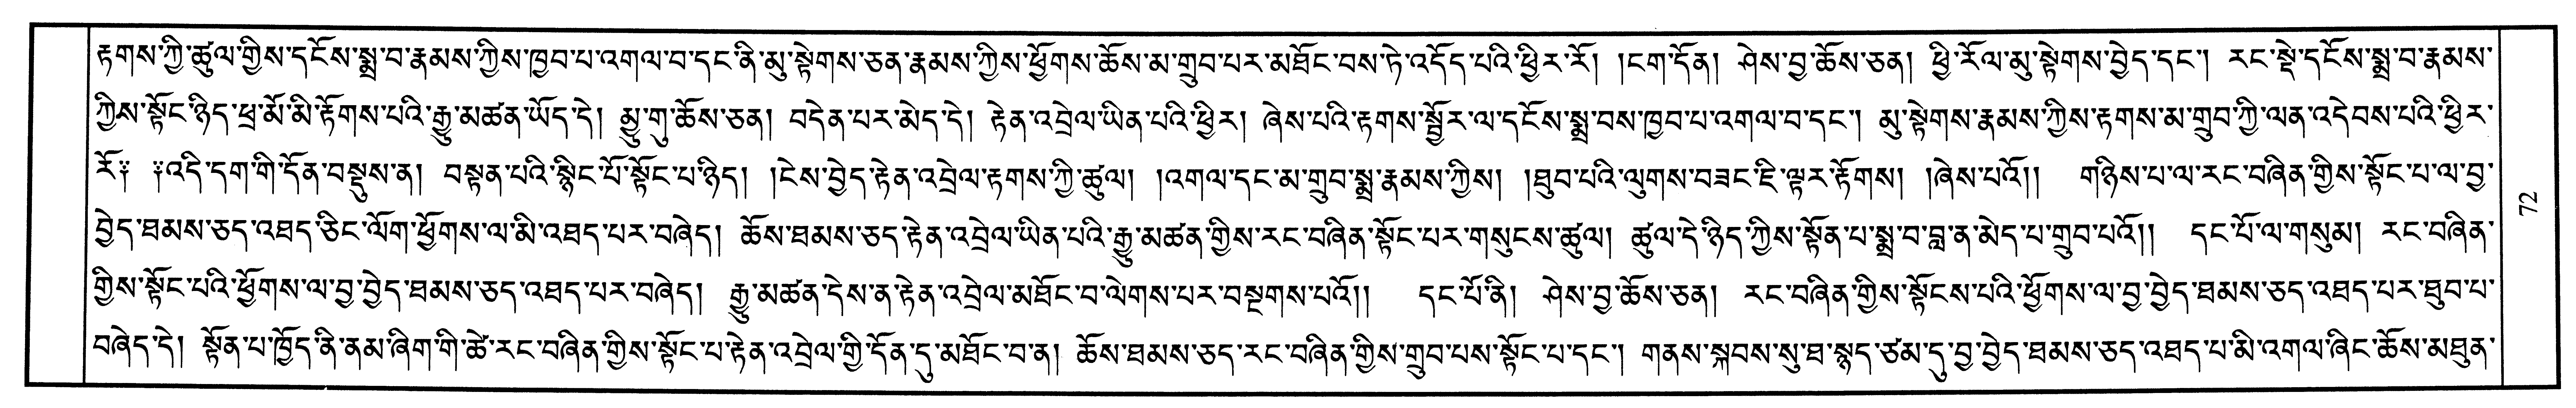རྟགས་ཀྱི་ཚུལ་གྱིས་དངོས་སྨྲ་བ་རྣམས་ཀྱིས་ཁྱབ་པ་འགལ་བ་དང་ནི་མུ་སྟེགས་ཅན་རྣམས་ཀྱིས་ཕྱོགས་ཆོས་མ་གྲུབ་པར་མཐོང་བས་ཏེ་འདོད་པའི་ཕྱིར་རོ། །ངག་དོན། ཤེས་བྱ་ཆོས་ཅན། ཕྱི་རོལ་མུ་སྟེགས་བྱེད་དང་། རང་སྡེ་དངོས་སྨྲ་བ་རྣམས་
ཀྱིས་སྟོང་ཉིད་ཕྲ་མོ་མི་རྟོགས་པའི་རྒྱུ་མཚན་ཡོད་དེ། མྱུ་གུ་ཆོས་ཅན། བདེན་པར་མེད་དེ། རྟེན་འབྲེལ་ཡིན་པའི་ཕྱིར། ཞེས་པའི་རྟགས་སྦྱོར་ལ་དངོས་སྨྲ་བས་ཁྱབ་པ་འགལ་བ་དང་། མུ་སྟེགས་རྣམས་ཀྱིས་རྟགས་མ་གྲུབ་ཀྱི་ལན་འདེབས་པའི་ཕྱིར་
རོ༑ ༑འདི་དག་གི་དོན་བསྡུས་ན། བསྟན་པའི་སྙིང་པོ་སྟོང་པ་ཉིད། །ངེས་བྱེད་རྟེན་འབྲེལ་རྟགས་ཀྱི་ཚུལ། །འགལ་དང་མ་གྲུབ་སྨྲ་རྣམས་ཀྱིས། །ཐུབ་པའི་ལུགས་བཟང་ཇི་ལྟར་རྟོགས། །ཞེས་པའོ།། གཉིས་པ་ལ་རང་བཞིན་གྱིས་སྟོང་པ་ལ་བྱ་
བྱེད་ཐམས་ཅད་འཐད་ཅིང་ལོག་ཕྱོགས་ལ་མི་འཐད་པར་བཞེད། ཆོས་ཐམས་ཅད་རྟེན་འབྲེལ་ཡིན་པའི་རྒྱུ་མཚན་གྱིས་རང་བཞིན་སྟོང་པར་གསུངས་ཚུལ། ཚུལ་དེ་ཉིད་ཀྱིས་སྟོན་པ་སྨྲ་བ་བླ་ན་མེད་པ་གྲུབ་པའོ།། དང་པོ་ལ་གསུམ། རང་བཞིན་
གྱིས་སྟོང་པའི་ཕྱོགས་ལ་བྱ་བྱེད་ཐམས་ཅད་འཐད་པར་བཞེད། རྒྱུ་མཚན་དེས་ན་རྟེན་འབྲེལ་མཐོང་བ་ལེགས་པར་བསྔགས་པའོ།། དང་པོ་ནི། ཤེས་བྱ་ཆོས་ཅན། རང་བཞིན་གྱིས་སྟོངས་པའི་ཕྱོགས་ལ་བྱ་བྱེད་ཐམས་ཅད་འཐད་པར་ཐུབ་པ་
བཞེད་དེ། སྟོན་པ་ཁྱོད་ནི་ནམ་ཞིག་གི་ཚེ་རང་བཞིན་གྱིས་སྟོང་པ་རྟེན་འབྲེལ་གྱི་དོན་དུ་མཐོང་བ་ན། ཆོས་ཐམས་ཅད་རང་བཞིན་གྱིས་གྲུབ་པས་སྟོང་པ་དང་། གནས་སྐབས་སུ་ཐ་སྙད་ཙམ་དུ་བྱ་བྱེད་ཐམས་ཅད་འཐད་པ་མི་འགལ་ཞིང་ཆོས་མཐུན་